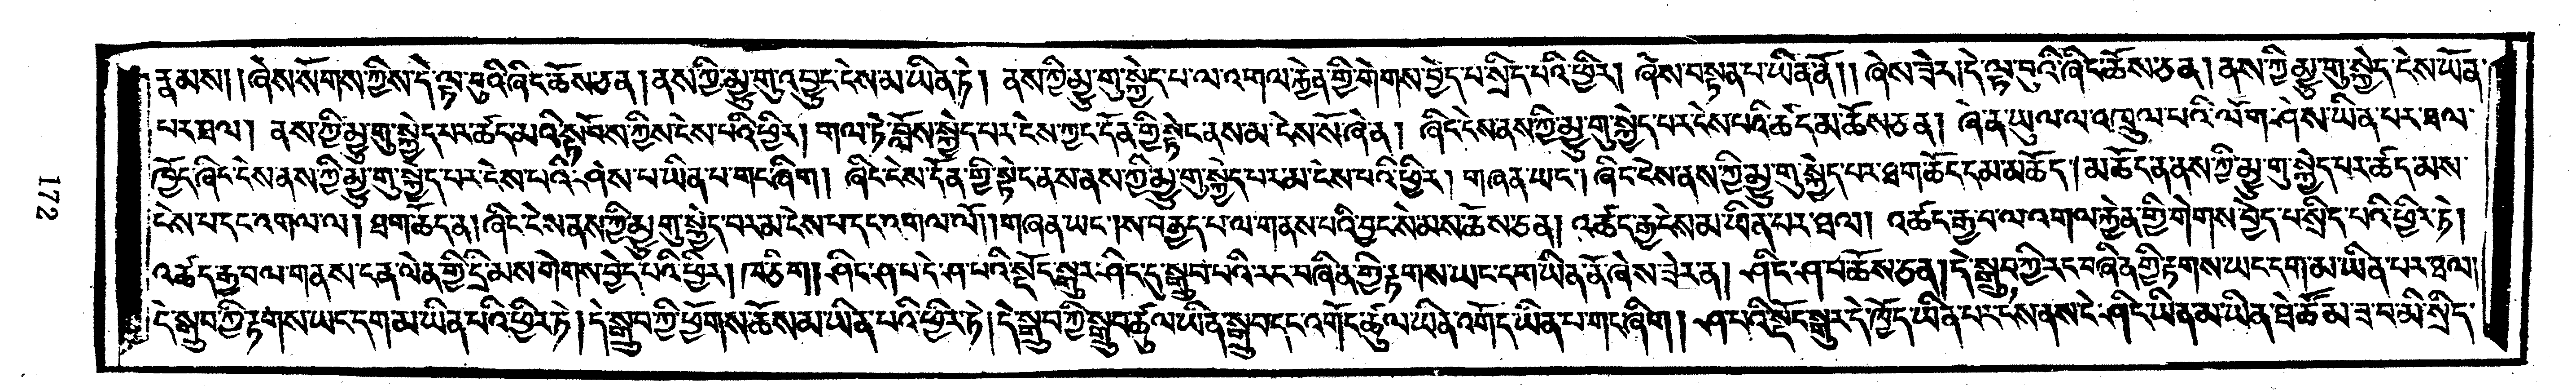རྣམས། །ཞེས་སོགས་ཀྱིས་དེ་ལྟ་བུའི་ཞིང་ཆོས་ཅན། ནས་ཀྱི་མྱུ་གུ་འབྱུང་ངེས་མ་ཡིན་ཏེ། ནས་ཀྱི་མྱུ་གུ་སྐྱེད་པ་ལ་འགལ་རྐྱེན་གྱི་གེགས་བྱེད་པ་སྲིད་པའི་ཕྱིར། ཞེས་བསྟན་པ་ཡིན་ནོ། །ཞེས་ཟེར། དེ་ལྟ་བུའི་ཞིང་ཆོས་ཅན། ནས་ཀྱི་མྱུ་གུ་སྐྱེད་ངེས་ཡིན་
པར་ཐལ། ནས་ཀྱི་མྱུ་གུ་སྐྱེད་པར་ཚད་མའི་སྟབས་ཀྱིས་ངེས་པའི་ཕྱིར། གལ་ཏེ་བློས་སྐྱེད་པར་དེས་ཀྱང་དོན་གྱི་སྟེང་ནས་མ་ངེས་སོ་ཞེ་ན། ཞིང་དེས་ནས་ཀྱི་མྱུ་གུ་སྐྱེད་པར་ངེས་པའི་ཆད་མ་ཆོས་ཅན། ཞེན་ཡུལ་ལ་འཁྲུལ་པའི་ལོག་ཤེས་ཡིན་པར་ཐལ།
ཁྱོད་ཞིང་དེས་ནས་ཀྱི་མྱུ་གུ་སྐྱེད་པར་ངེས་པའི་ཤེས་པ་ཡིན་པ་གང་ཞིག། ཞིང་དེས་དོན་གྱི་སྟེང་ནས་ནས་ཀྱི་མྱུ་གུ་སྐྱེད་པར་མ་ངེས་པའི་ཕྱིར། གཞན་ཡང་། ཞིང་དེས་ནས་ཀྱི་མྱུ་གུ་སྐྱེད་པར་ཐག་ཆོད་དམ་མ་ཆོད། མཆོད་ན་ནས་ཀྱི་མྱུ་གུ་སྐྱེད་པར་ཚད་མས་
ངེས་པ་དང་འགལ་ལ། ཐག་ཆོད་ན། ཞིང་དེས་ནས་ཀྱི་མྱུ་གུ་སྐྱེད་པར་མ་ངེས་པ་དང་འགལ་ལོ། །གཞན་ཡང་། ས་བརྒྱད་པ་ལ་གནས་པའི་བྱང་སེམས་ཆོས་ཅན། འཚང་རྒྱ་ངེས་མ་ཡིན་པར་ཐལ། འཚང་རྒྱ་བ་ལ་འགལ་རྐྱེན་གྱ་?་འགེགས་བྱེད་པ་སྲིད་པའི་ཕྱིར་ཏེ།
འཚང་རྒྱ་བ་ལ་གནས་ངན་ལེན་གྱི་དྲི་མས་གེགས་བྱེད་པའི་ཕྱིར། ཁ་ཅིག། ཤིང་ཤ་པ་དེ་ཤ་པའི་སྡོང་སྒུར་ཤིང་དུ་སྒྲུབ་པའི་རང་བཞིན་གྱི་རྟགས་ཡང་དག་ཡིན་ནོ་ཞེས་ཟེར་ན། ཤིང་ཤ་པ་ཆོས་ཅན། དེ་སྒྲུབ་ཀྱི་རང་བཞིན་གྱི་རྟགས་ཡང་དག་མ་ཡིན་པར་ཐལ།
དེ་སྒྲུབ་ཀྱི་རྟགས་ཡང་དག་མ་ཡིན་པའི་ཕྱིར་ཏེ། དེ་སྒྲུབ་ཀྱི་ཕྱོགས་ཆོས་མ་ཡིན་པའི་ཕྱིར་ཏེ། དེ་སྒྲུབ་ཀྱི་སྒྲུབ་ཚུལ་ཡིན་སྒྲུབ་དང་འགོད་ཚུལ་ཡིན་འགོད་ཡིན་པ་གང་ཞིག། ཤ་པའི་སྡོང་སྒྱུར་དེ་ཁྱོད་ཡིན་པར་ངེས་ནས་དེ་ཤིང་ཡིན་མ་ཡིན་ཐེ་ཚོམ་ཟ་བ་མི་སྲིད་